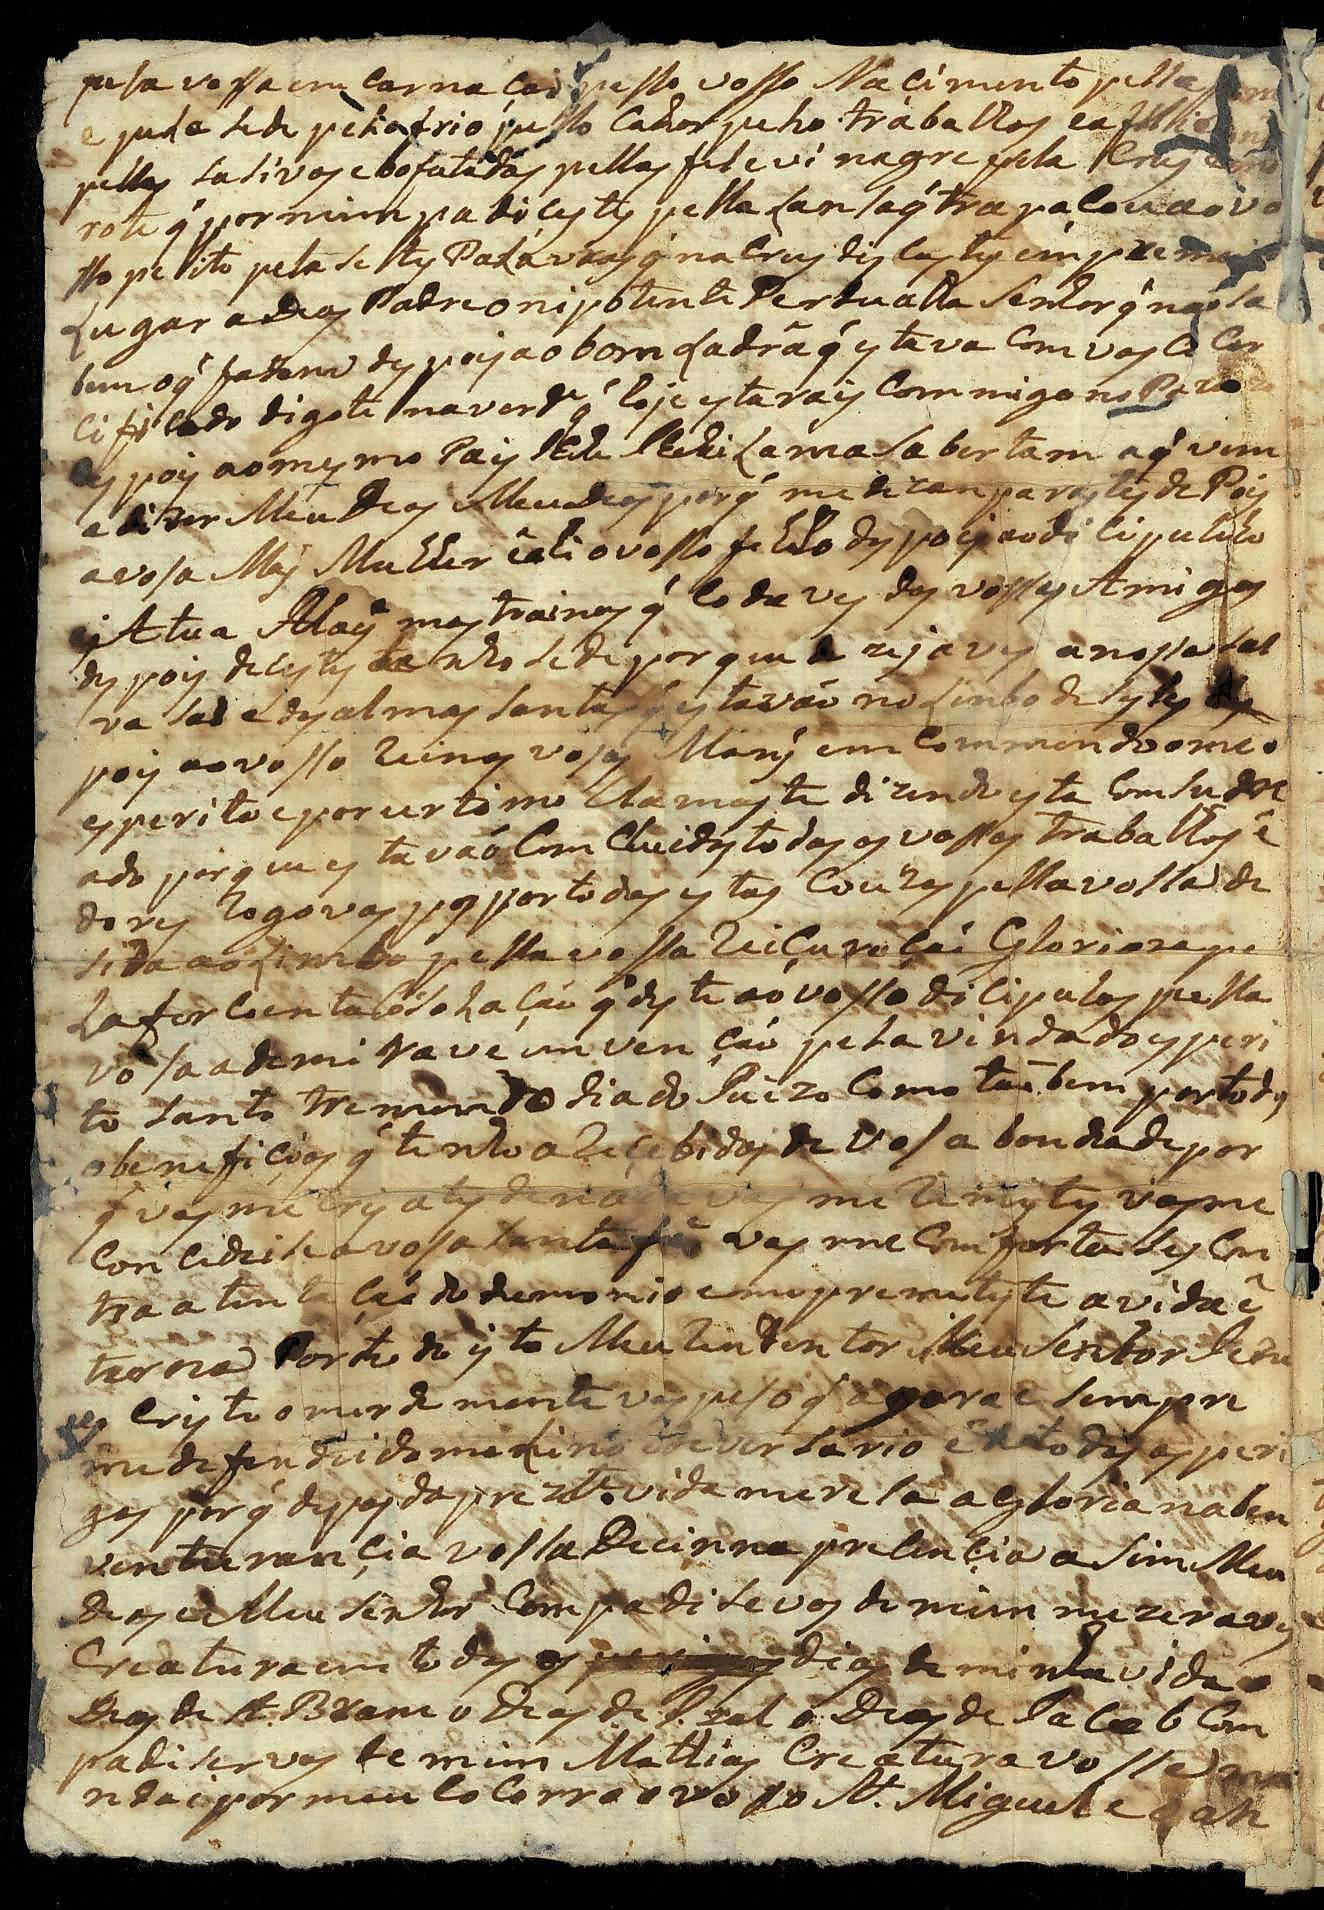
pela vossa emcarnaçaõ pello vosso Naçimento pella
E pela sede pela frio pello Calor pelo trabalhos e a follio
pellas salivas e bofatadas pellos fel e vinagre pela Crus
rote q̄ por mim padiçestes pella Lansa q̄ trapaçou ao vo
sso peito pela setes PaLavras q̄ na Crus disCestes em prem
Lugar a Deos Padre onipotente Perdualho Senhor q̄ naõ sa
bem o q̄ fasem despois ao bom Ladrã q̄ estava com vosco cor
cificado digote na verd.e q̄ hoje estarais Commigo no Par
despois ao mesmo Pais lhele lhehi Lama saber tam a q̄ vem
a dizer Meu Deos Meu Deos porq̄ me dezamparastes dePois
a vosa Maj Mulher ē ahi o vosso filho despois ao dicipulu Eu
A tua May mas trainas q̄ Co da ves dos vossos Amigos
despois decestes tenho sede porque dezejaves a nossa sal
vasaõ e das almas santas q̄ estavaõ no Linbo diSestes
pois ao vosso Reino vosas Mans̄ emCommendo o meo
esperito e por urtimo Chamaste dizendo esta Comsuda
ado porque estavaõ ComCluidas todos os vossos trabalhos ē
dores Rogovos pos por todas estas Couzas pella vossa de
sida ao Limbo pella vossa ReiÇureiÇaõ Glorioza pe
La forCoenta CoSoLaÇaõ q̄ deste ao vosso dicipulos pella
vosa ademirave emvençaõ pela vinda do esperi
to santo tremendo dia do Iuizo Como taõbem por todos
o benefiçios q̄ tenho a Reçebidos de vosa bondade por
q̄ vos me Eris a tas dezialhe vos me Rimastas vos me
Concideis e a santa fé vos me Comfortenses Con
tra a tentaçaõ do demonio e me premeteste a vida ē
teroza por tudo isto Meu Ridentor Meu Senhor Iezu
us Cristo omerdemente vos peso q̄ agora e sempre
me defendei do maLino adeversario e de todos os peri
gos por q̄ depos da prezete vida meresa a Gloria na ben
venturançia vossa Decinna precençia aSim Meu
Deos e Meu sinhor Compadisevos de mim mezeraves
Creatura em todas as
dias de minha vida
Deos de A. Bram o Deos de I.zal o Deos de IaCob Com
padiservos de mim Mattias Creatura vossa ma
ndai por meu CoCorro o voso et̄. Miguel e o an
